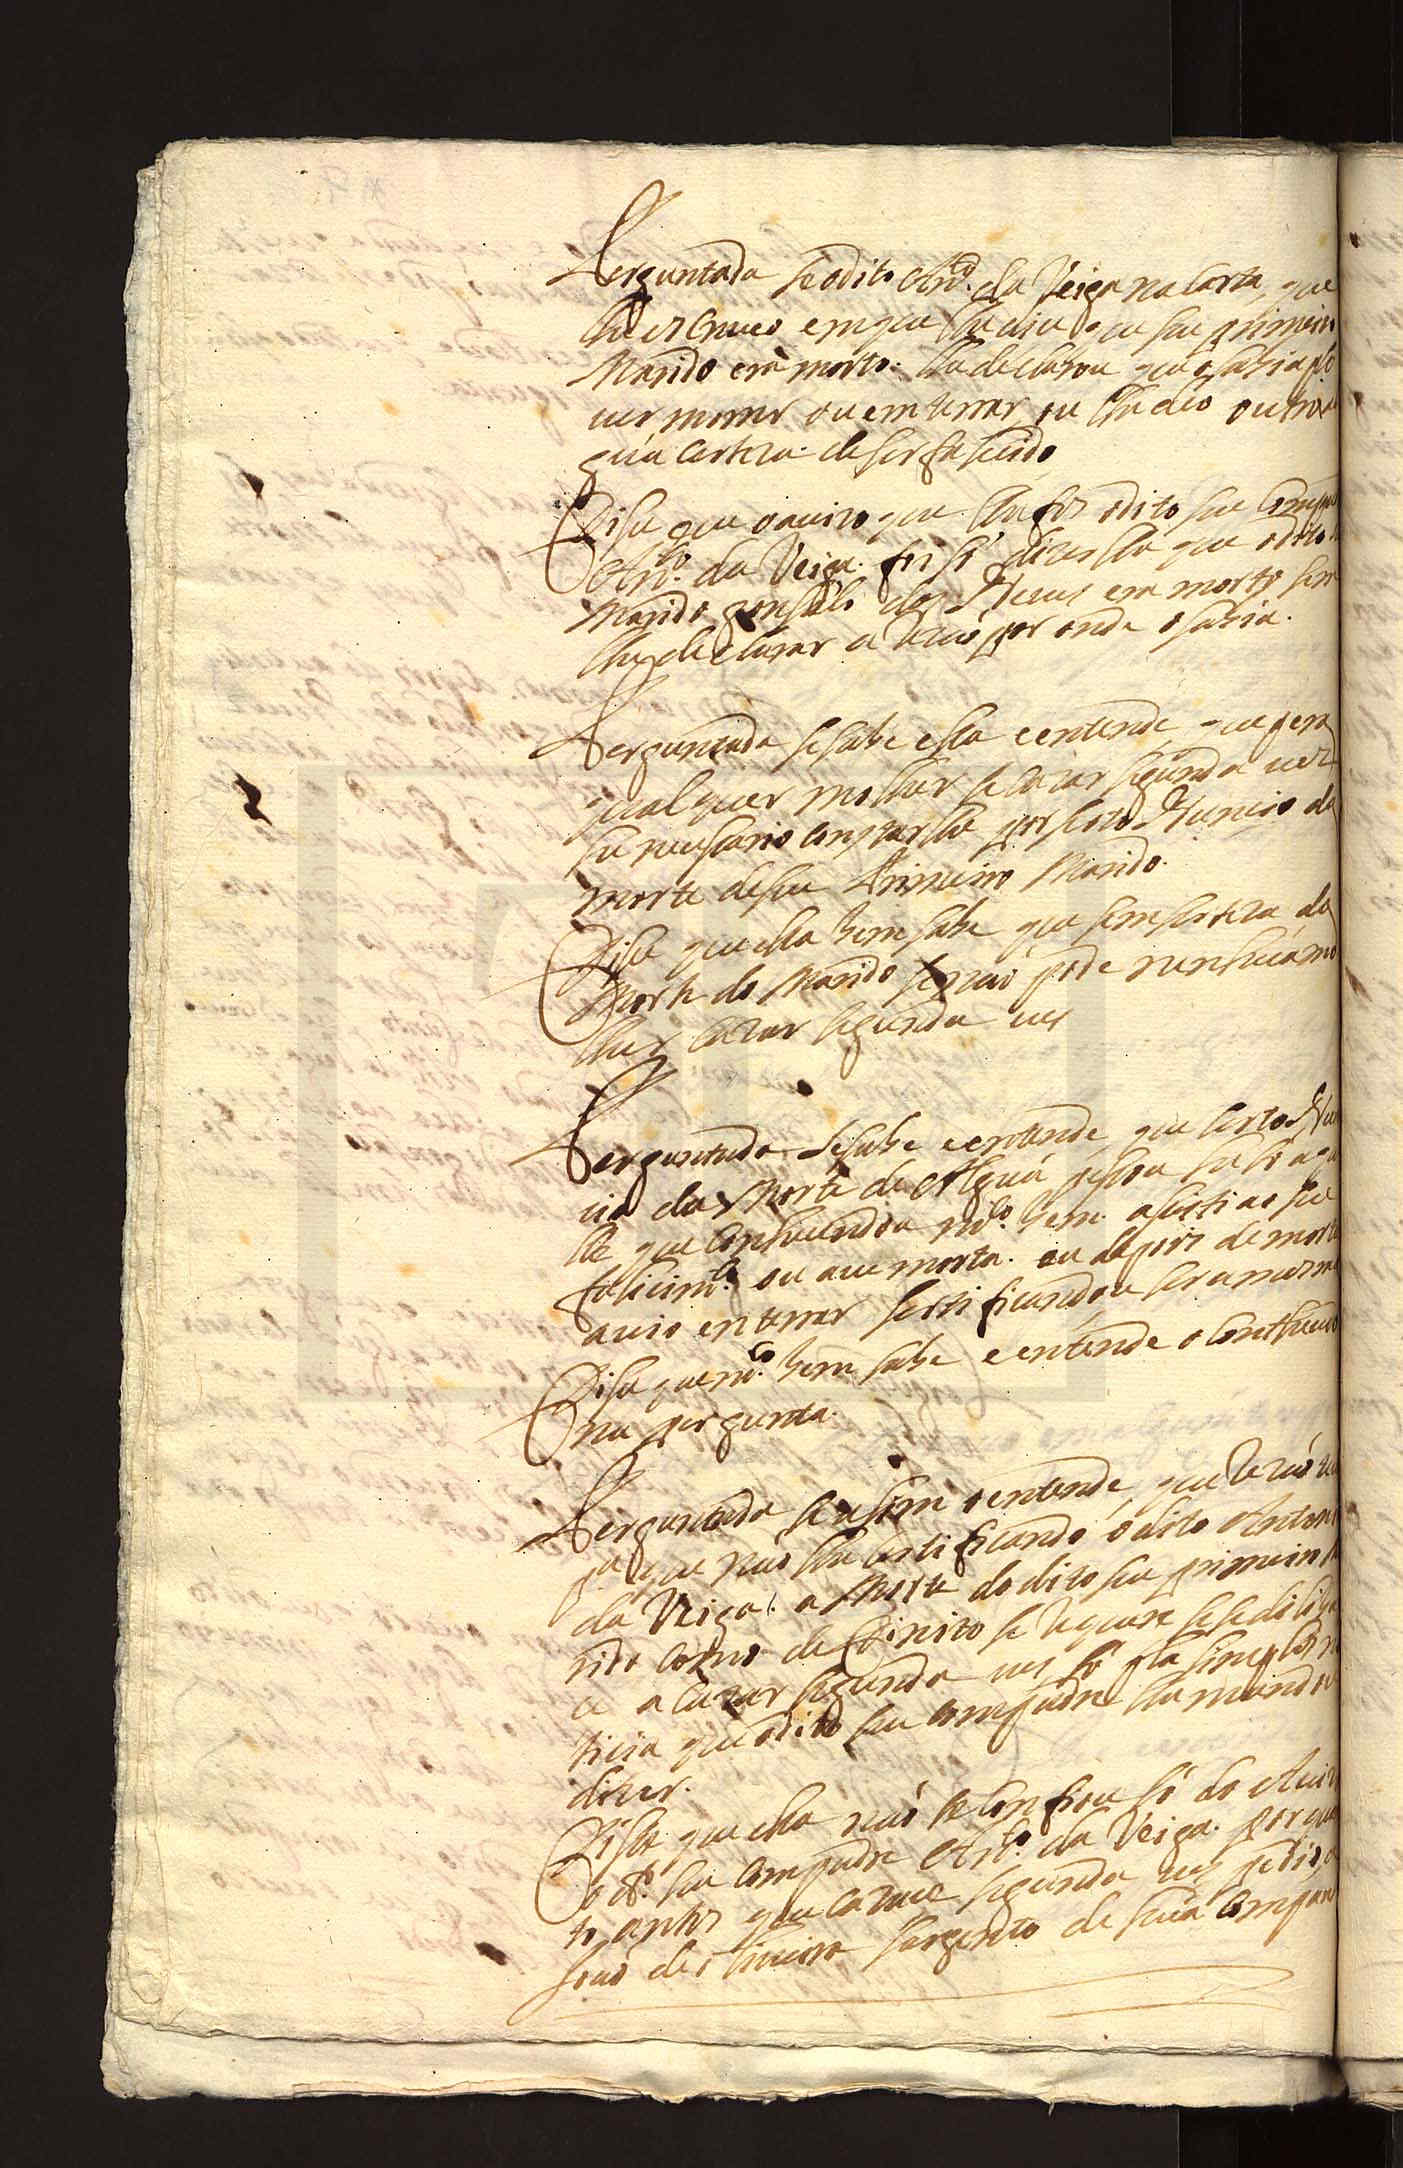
Perguntada se o dito Anto a Veiga na Carta, que
lhe escreueo em que lhe dice que seu primeiro
Marido era morto: lhe declarou que o sabia p.lo
uer, morrer ou emterrar, ou lhe deo outro al
gua certeza de ser falecido
Disse que o auizo que lhe fes o dito seu Comp
An.to da Veiga foi só dizerlhe que o dito
marido gonsalo das Neues era morto sem
lhe declarar a Rezaõ por onde o sabia
Perguntada se sabe essa e entende que pera
qualquer molher se cazar segunda uez
he necessario constarlhe por serto Nuncio da
morte de seu Primeiro Marido
Disse que ella bem sabe que sem serteza da
morte do Marido se naõ pode nenhuā mo
lher cazar segunda ues
Perguntada se sabe e entende, que certo Nun
cio da morte de Alguā pessoa he so aqu
lle que conhecendoa m.to bem asisti ao seu
falecim.to, ou a ue morta. ou depois de morta
a uio enterrar sertificandose ser a mesm
Dise que m.to bem sabe e entende o Contheud
na pergunta
Perguntada se asim o entende, que Rezaõ te
p.a que naõ lhe certificando o dito Anton
da Veiga a morte do dito seu primeiro
rido como de Direito se Requere se se dili
ce a cazar segunda ues só pla Simples n
ticia que o dito seu compadre lhe mandou
dizer.
Disse que ella naõ se Confiou só do Auiz
o d̄.o seu compadre Ant.o da Veiga porqu
to antes que cazaçe segunda ves pedio a
Joaõ de oliueira Sargento de huā compan
